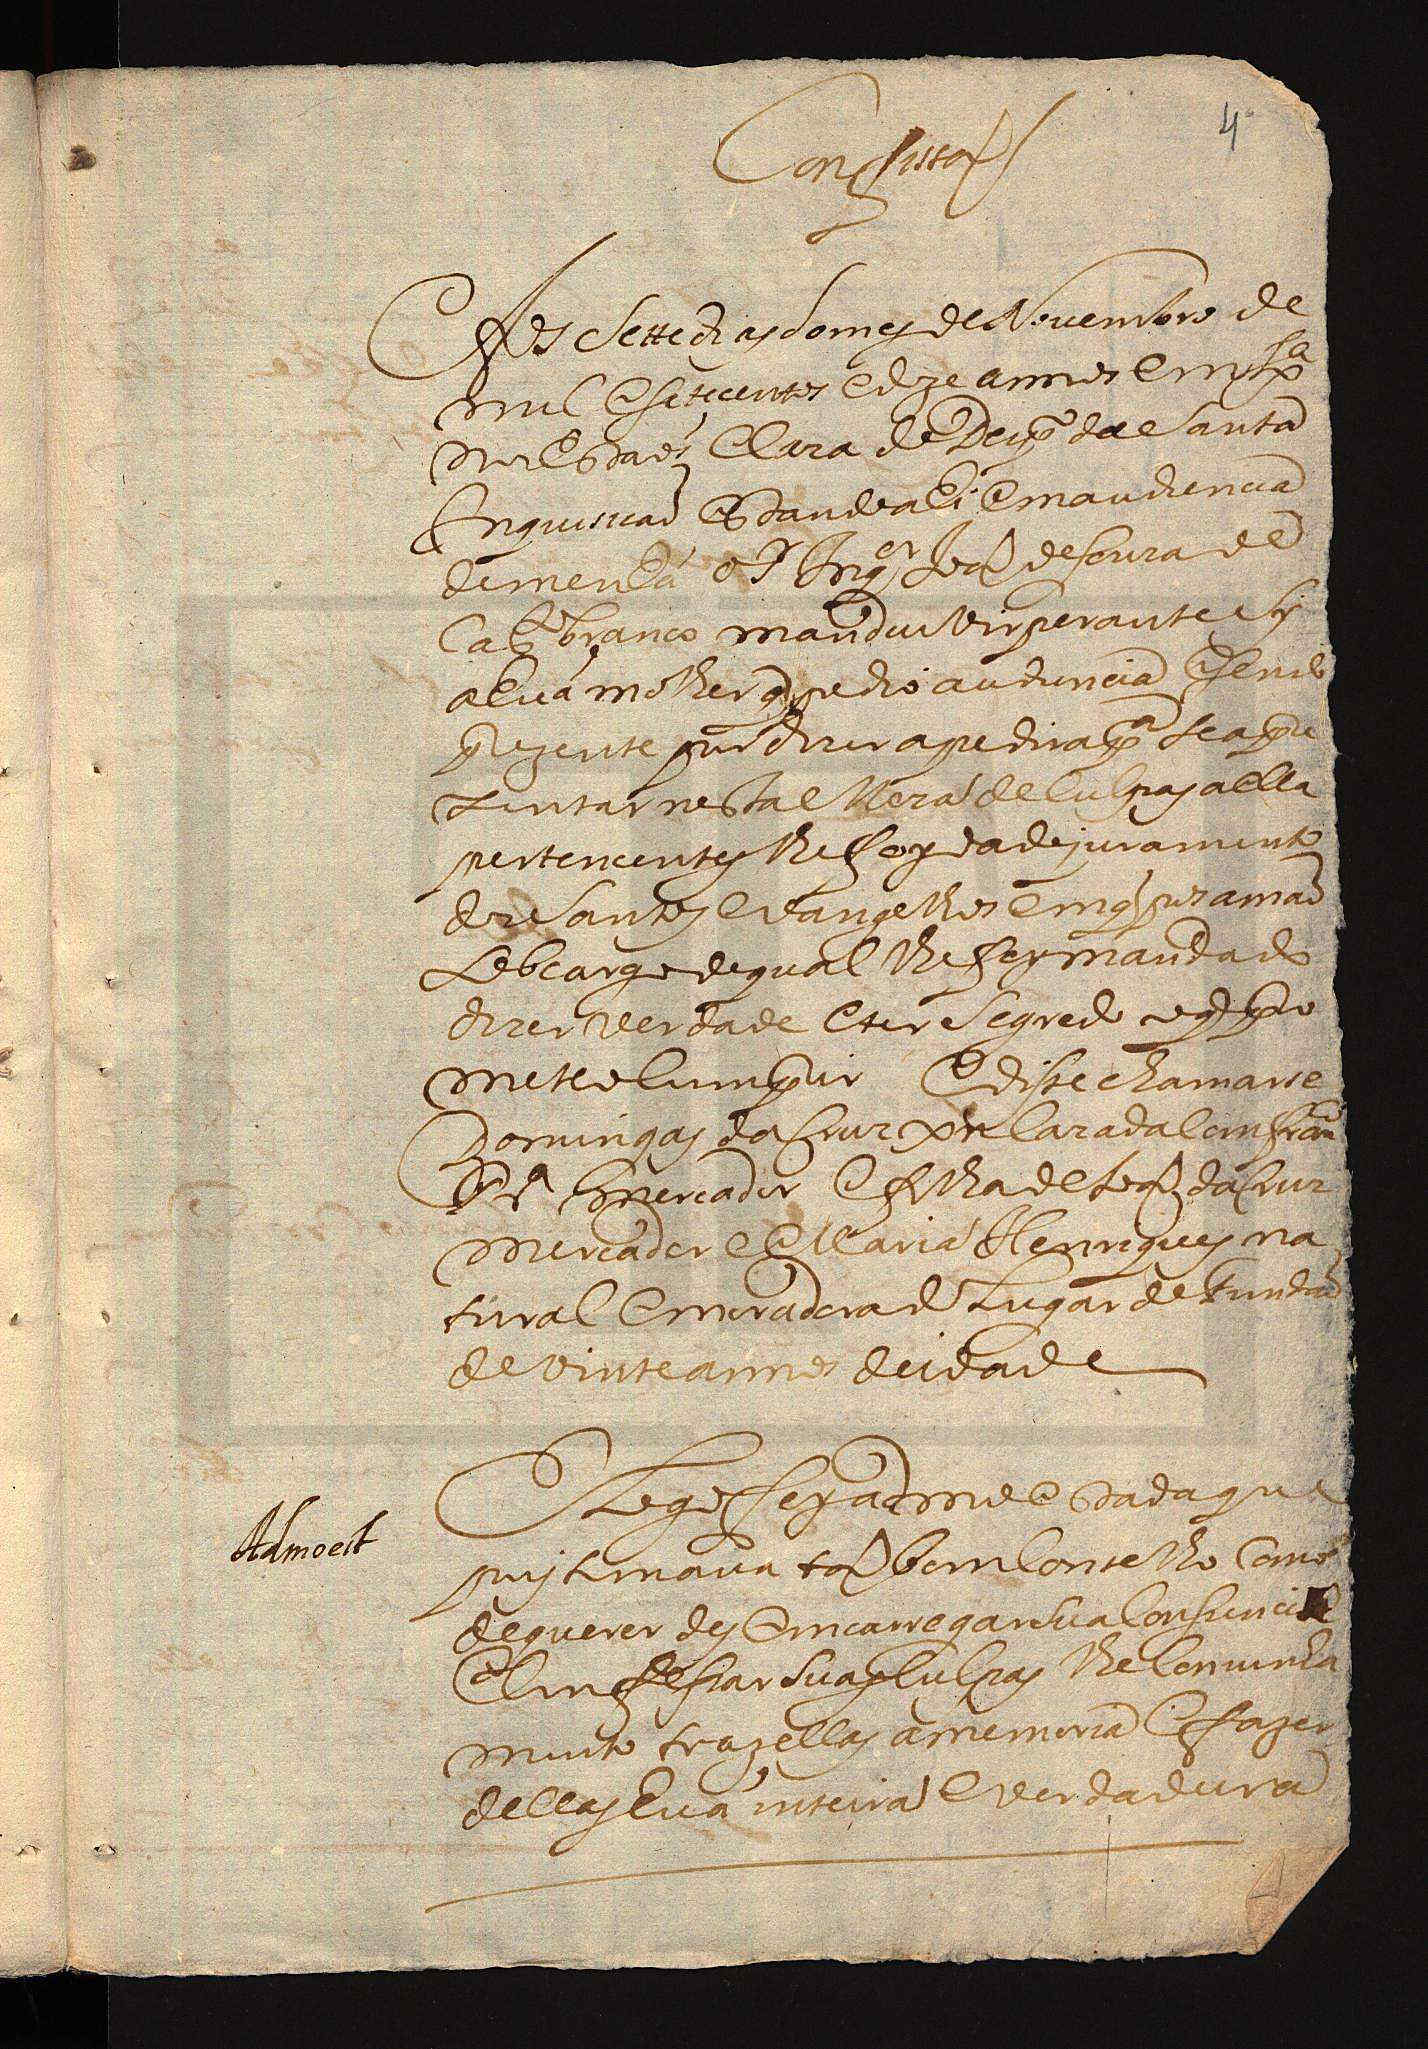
Admoest
Confissā
Aos Sette dias do mes de Nouembro de
mil e setecentos e doze annos em Lxa
nos Estaós e Caza do Despo da Santa
Inquisicaõ estando ahi em audiencia
de manhã o sr Inqor Joaõ de souza de
Casto branco mandou vir perante sy
a huā molher q̄ pedio audiencia e sendo
prezente por dizer a pedira pa se apre
zentar nesta Meza de Culpas a ella
pertencentes lhe foy dado juramento
dos Santos evangelhos em q̄ pos a maõ
sob cargo do qual lhe foy mandado
dizer verdade e ter Segredo o q̄ pro
meteo Cumprir E disse chamarse
Domingas da Cruz xn Cazada Com franco
Pra mercador e filha de Ioaõ da Cruz
mercador e Maria Henriques na
tural e moradora do Lugar de Fundaõ
de vinte annos de idade
E Logo foy admoestada que
pois tomaua taõ bom Conselho como
de querer desEmcarregar sua Conscienci
E Confessar suas culpas lhe Conuinha
muito trazellas a memoria E fazer
dellas huā inteira e verdadeira
